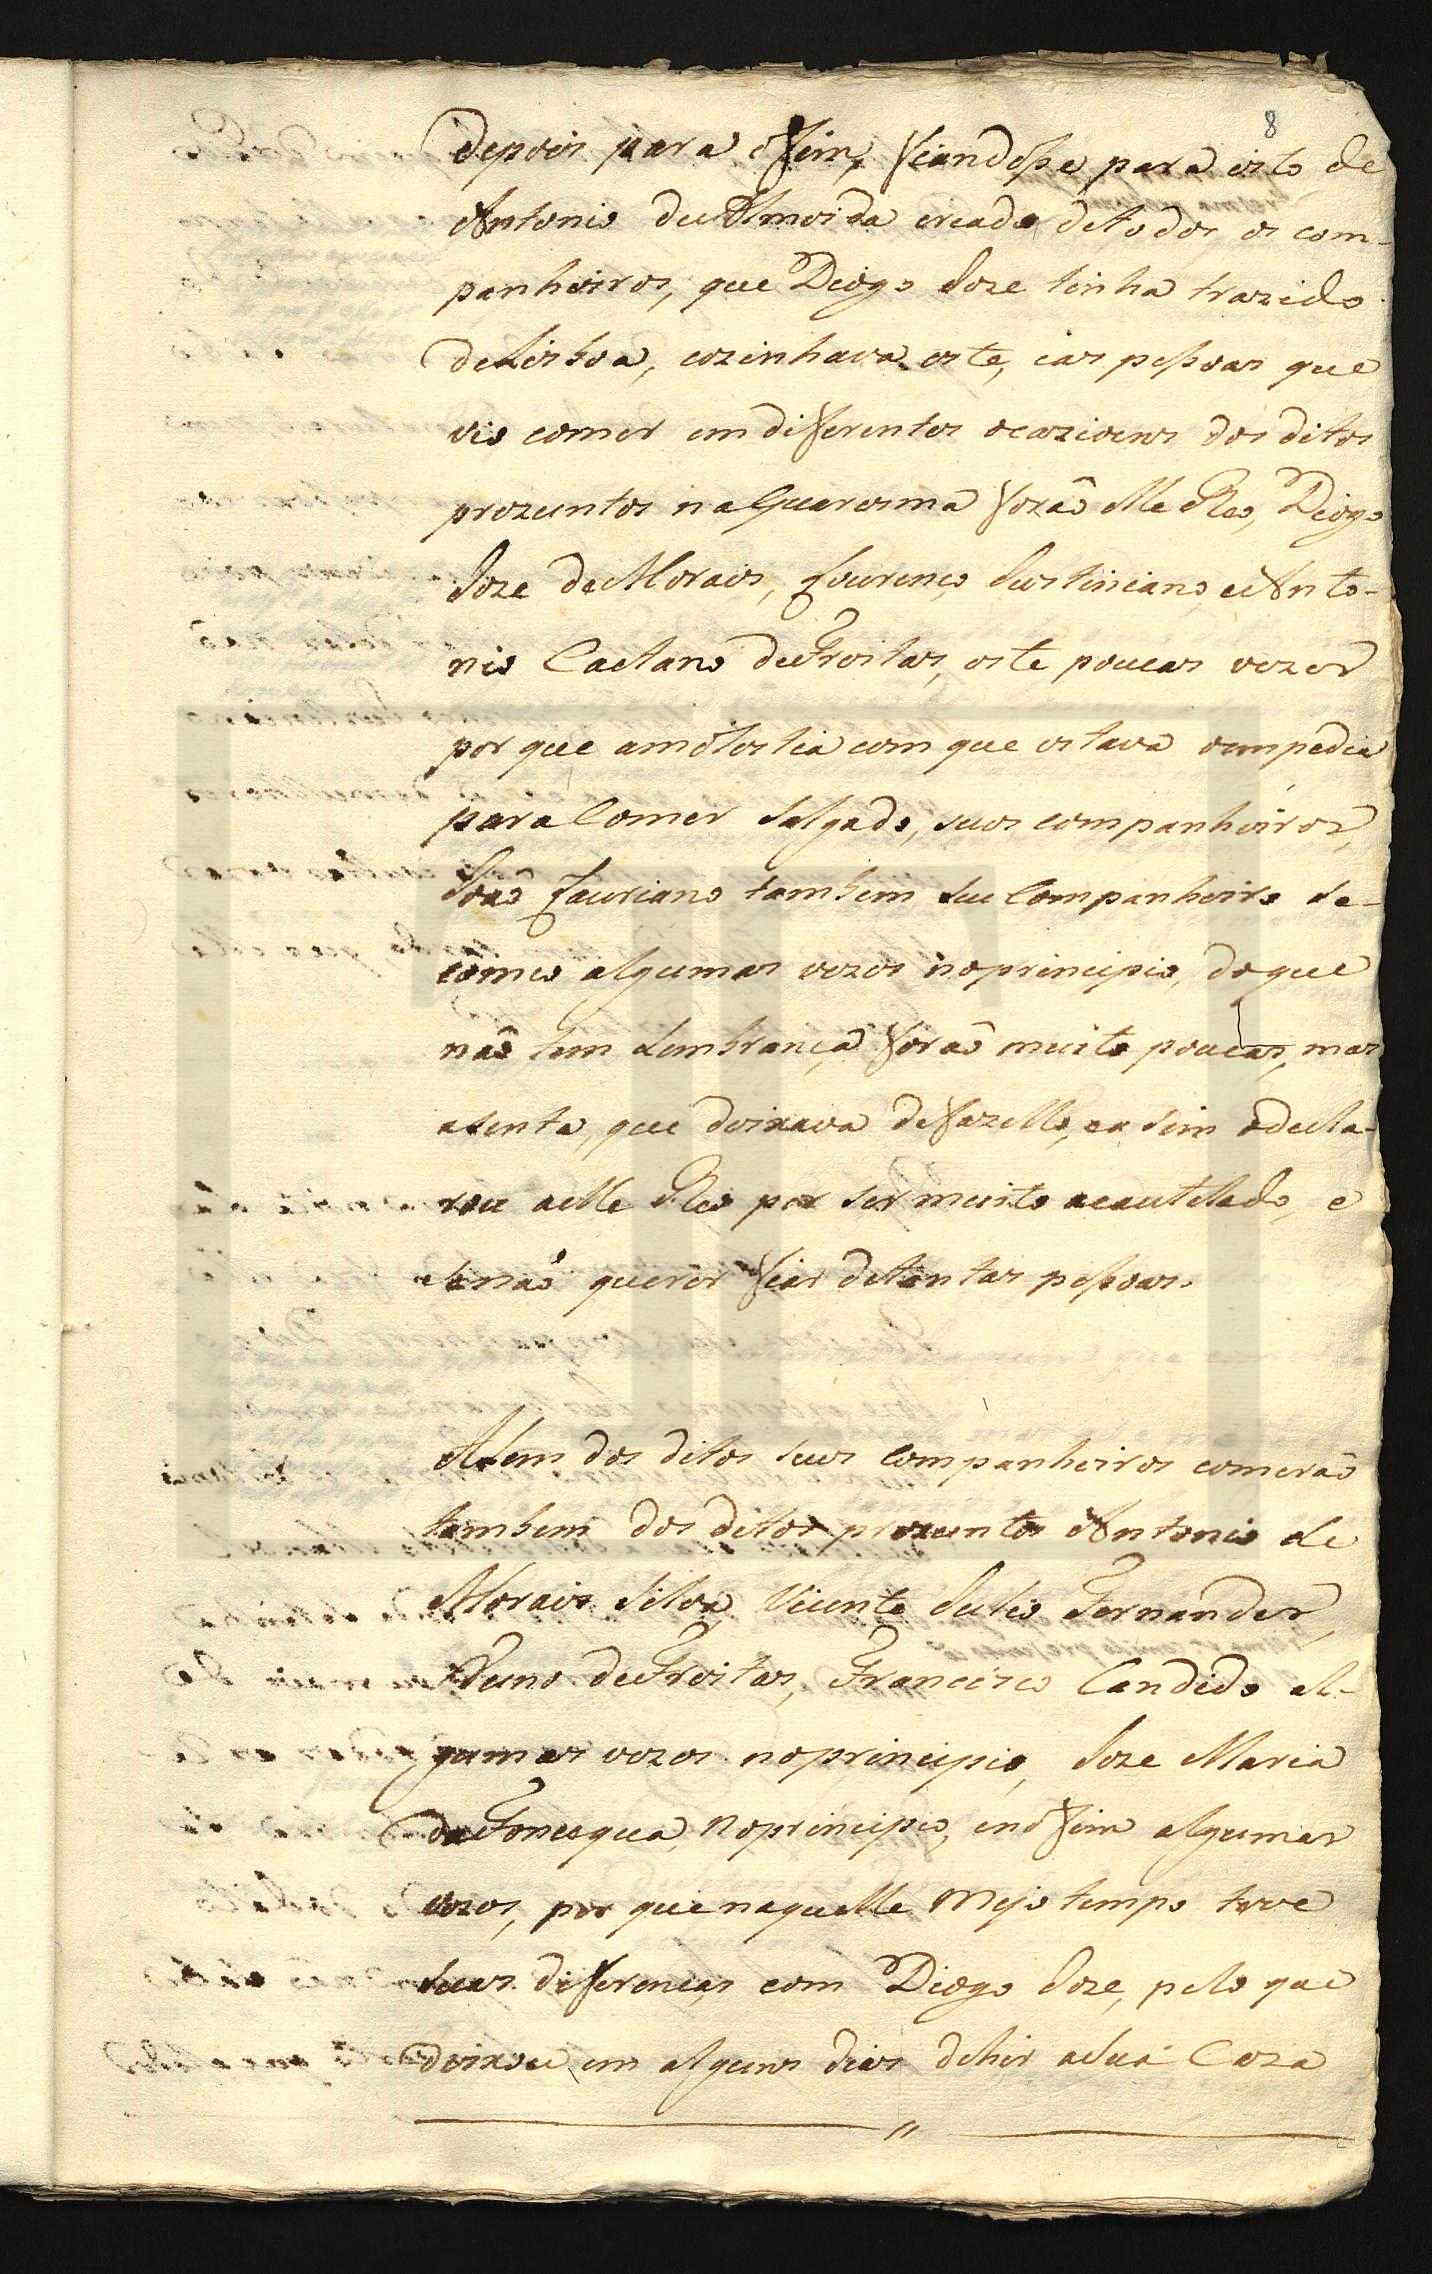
depois para o fim, ficandosse para isto de
Antonio de Almeida creado de todos os com
panheiros, que Diogo Ioze tinha trazido
de Lisboa, cozinhava este, e as pessoas que
vio comer em diferentes ocazioens dos ditos
prezuntos na Quaresma foraõ elle Reo, Diogo
Ioze de Morais, Lourenço Iustiniano e Anto
nio Caetano de Freitas, este poucas vezes
porque a moLestia com que estava o empedia
para Comer Salgado, seus complanheiros,
Ioaõ Lauriano tambem seu Companheiro se
comeo algumas vezes no principio, do que
naõ tem Lembrança foraõ muito poucas, mas
asenta, que deixava de fazello, e asim o decla
rou a elle Reo por ser muito acautelado, e
se naõ querer fiar de tantas pessoas.
Alem dos ditos seus companheiros comeraõ
tambem dos ditos prezuntos Antonio de
Morais Silva Vicente Iulio Fernandes
Nuno de Freitas, Francisco Candido al
gumas vezes no principio, Ioze Maria
da Fonesqua, no principio e no fim algumas
vezes, porque naquelle mejo tempo teve
suas diferenças com Diogo Ioze, pelo que
deixou em alguns dias de hir a Sua Caza
